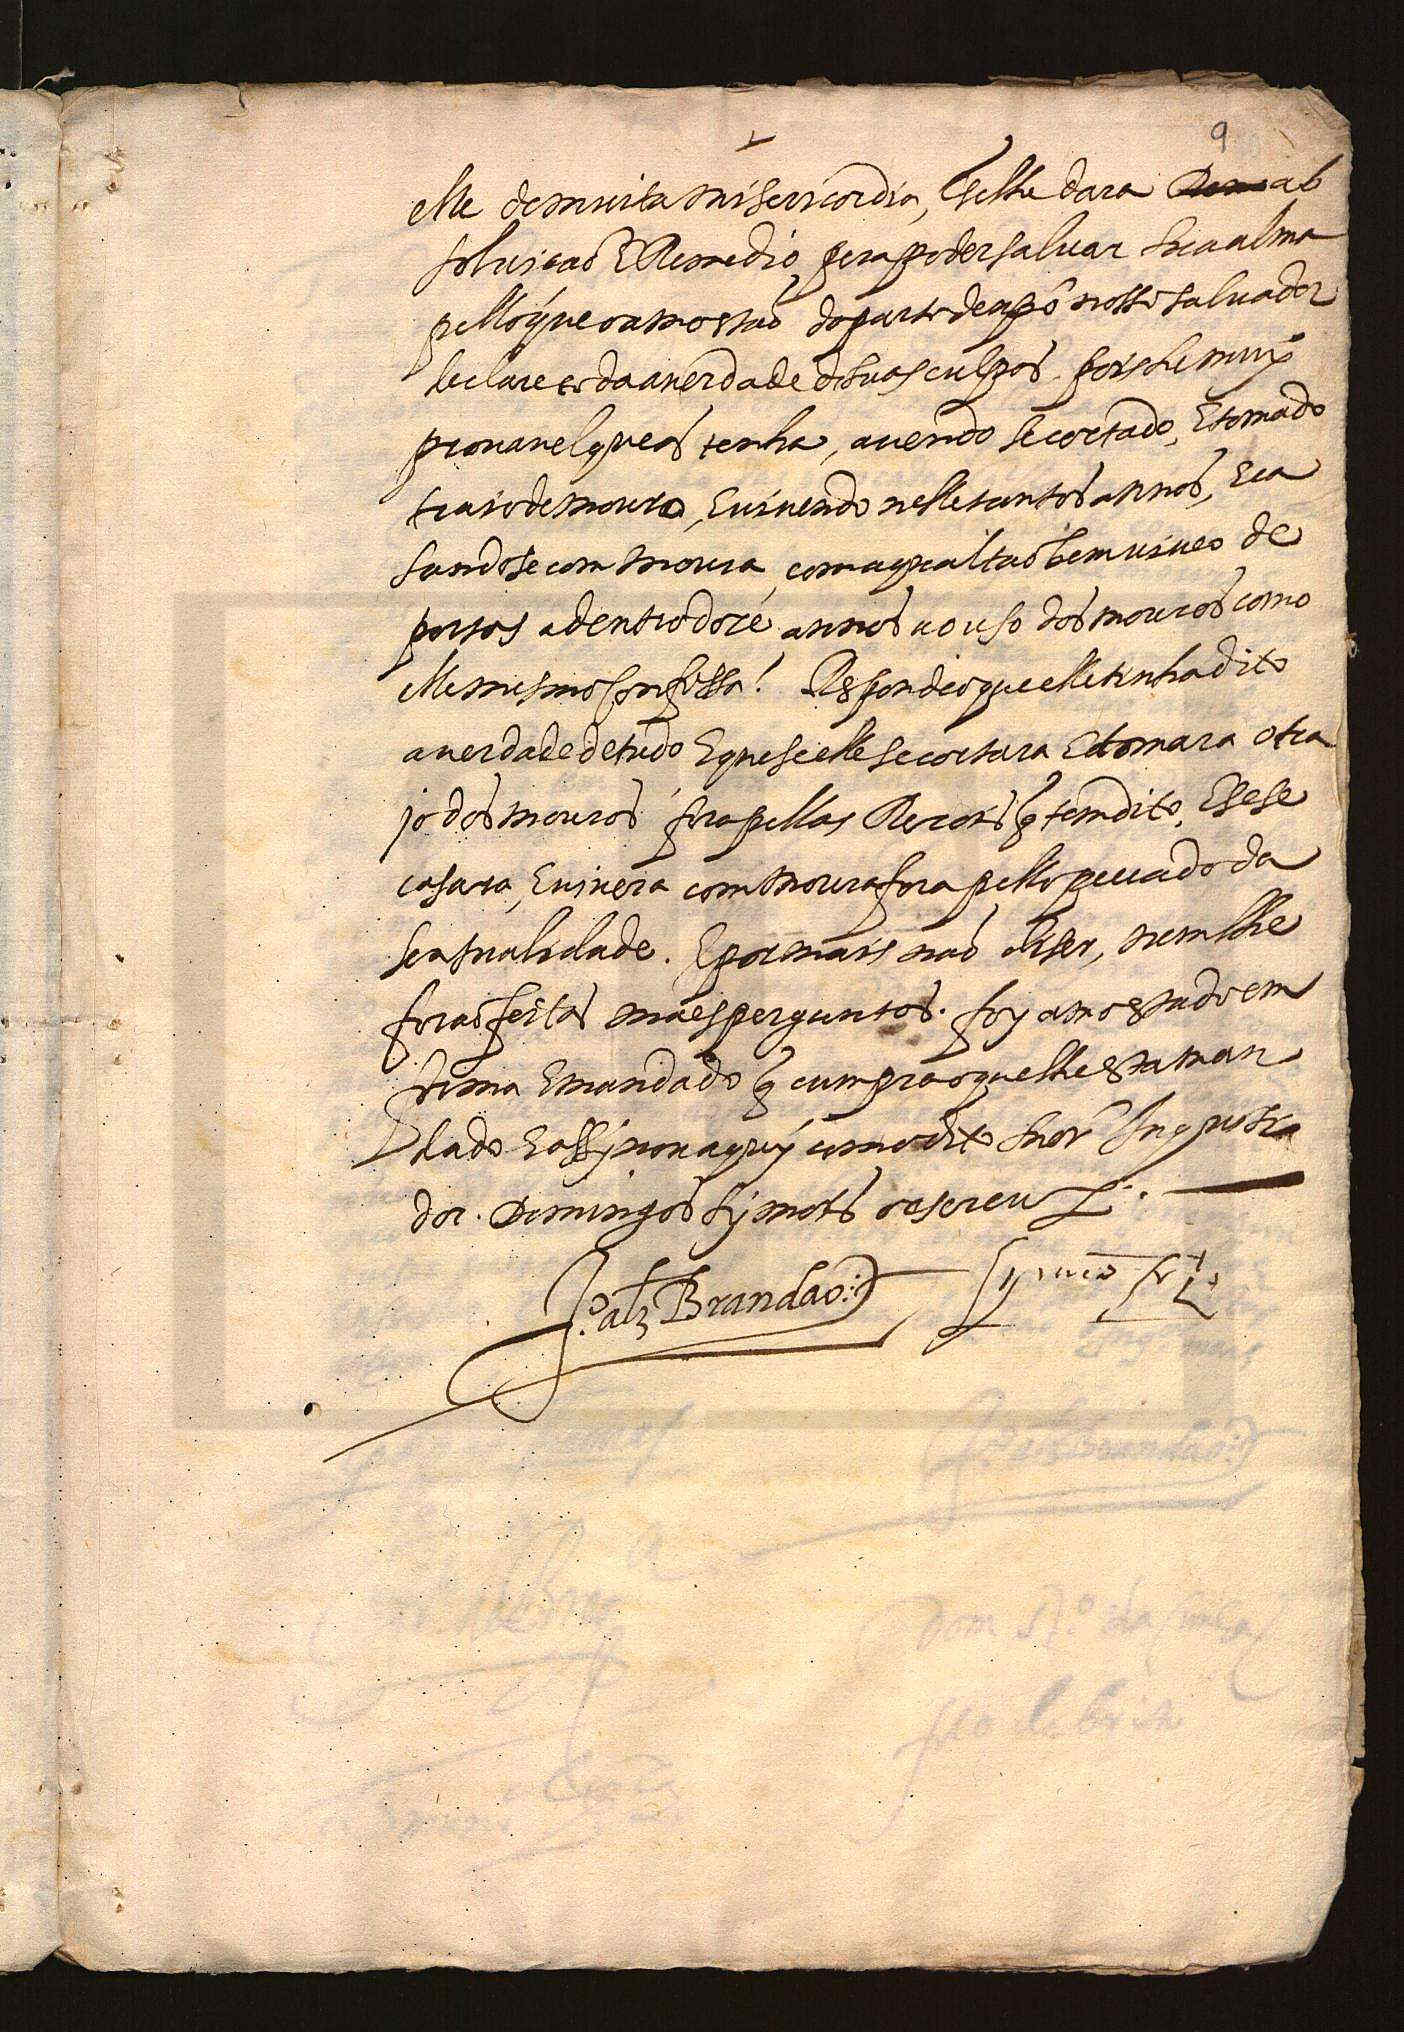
elle de muita misericordia se lhe dara Dom ab
soluiçaõ E Remedio, pera poder saluar sua alma
pello que o amoestaõ da parte de xpō nosso saluador
declare toda a uerdade de suas culpas pois he muy
prouauel que as tenha, auendo se cortado, E tomado
traio de mouro, E uiuendo nelle tantos annos, E ca
sandose com moura, com a qual taõbem uiueo de
portas adentro doze annos ao uso dos mouros como
elle mesmo Confessa? Respondeo que elle tinha dito
a uerdade de tudo E que se elle se cortara E tomara o tra
jo dos mouros fora pellas Rezois q̄ tem dito, E se se
casara, E uiuera com moura fora pello peccado da
sensualidade. E por mais naõ diser, nom lhe
foraõ feitas maes perguntas. foy amoestado em
forma E mandado q̄ cumpra o que lhe esta man
dado, E assynou aquy com o dito Snor̄ Inquisi
dor. Domingos Symois o escreuy
J.o al̄z Brandaõ.
Sijmaõ frz̄
